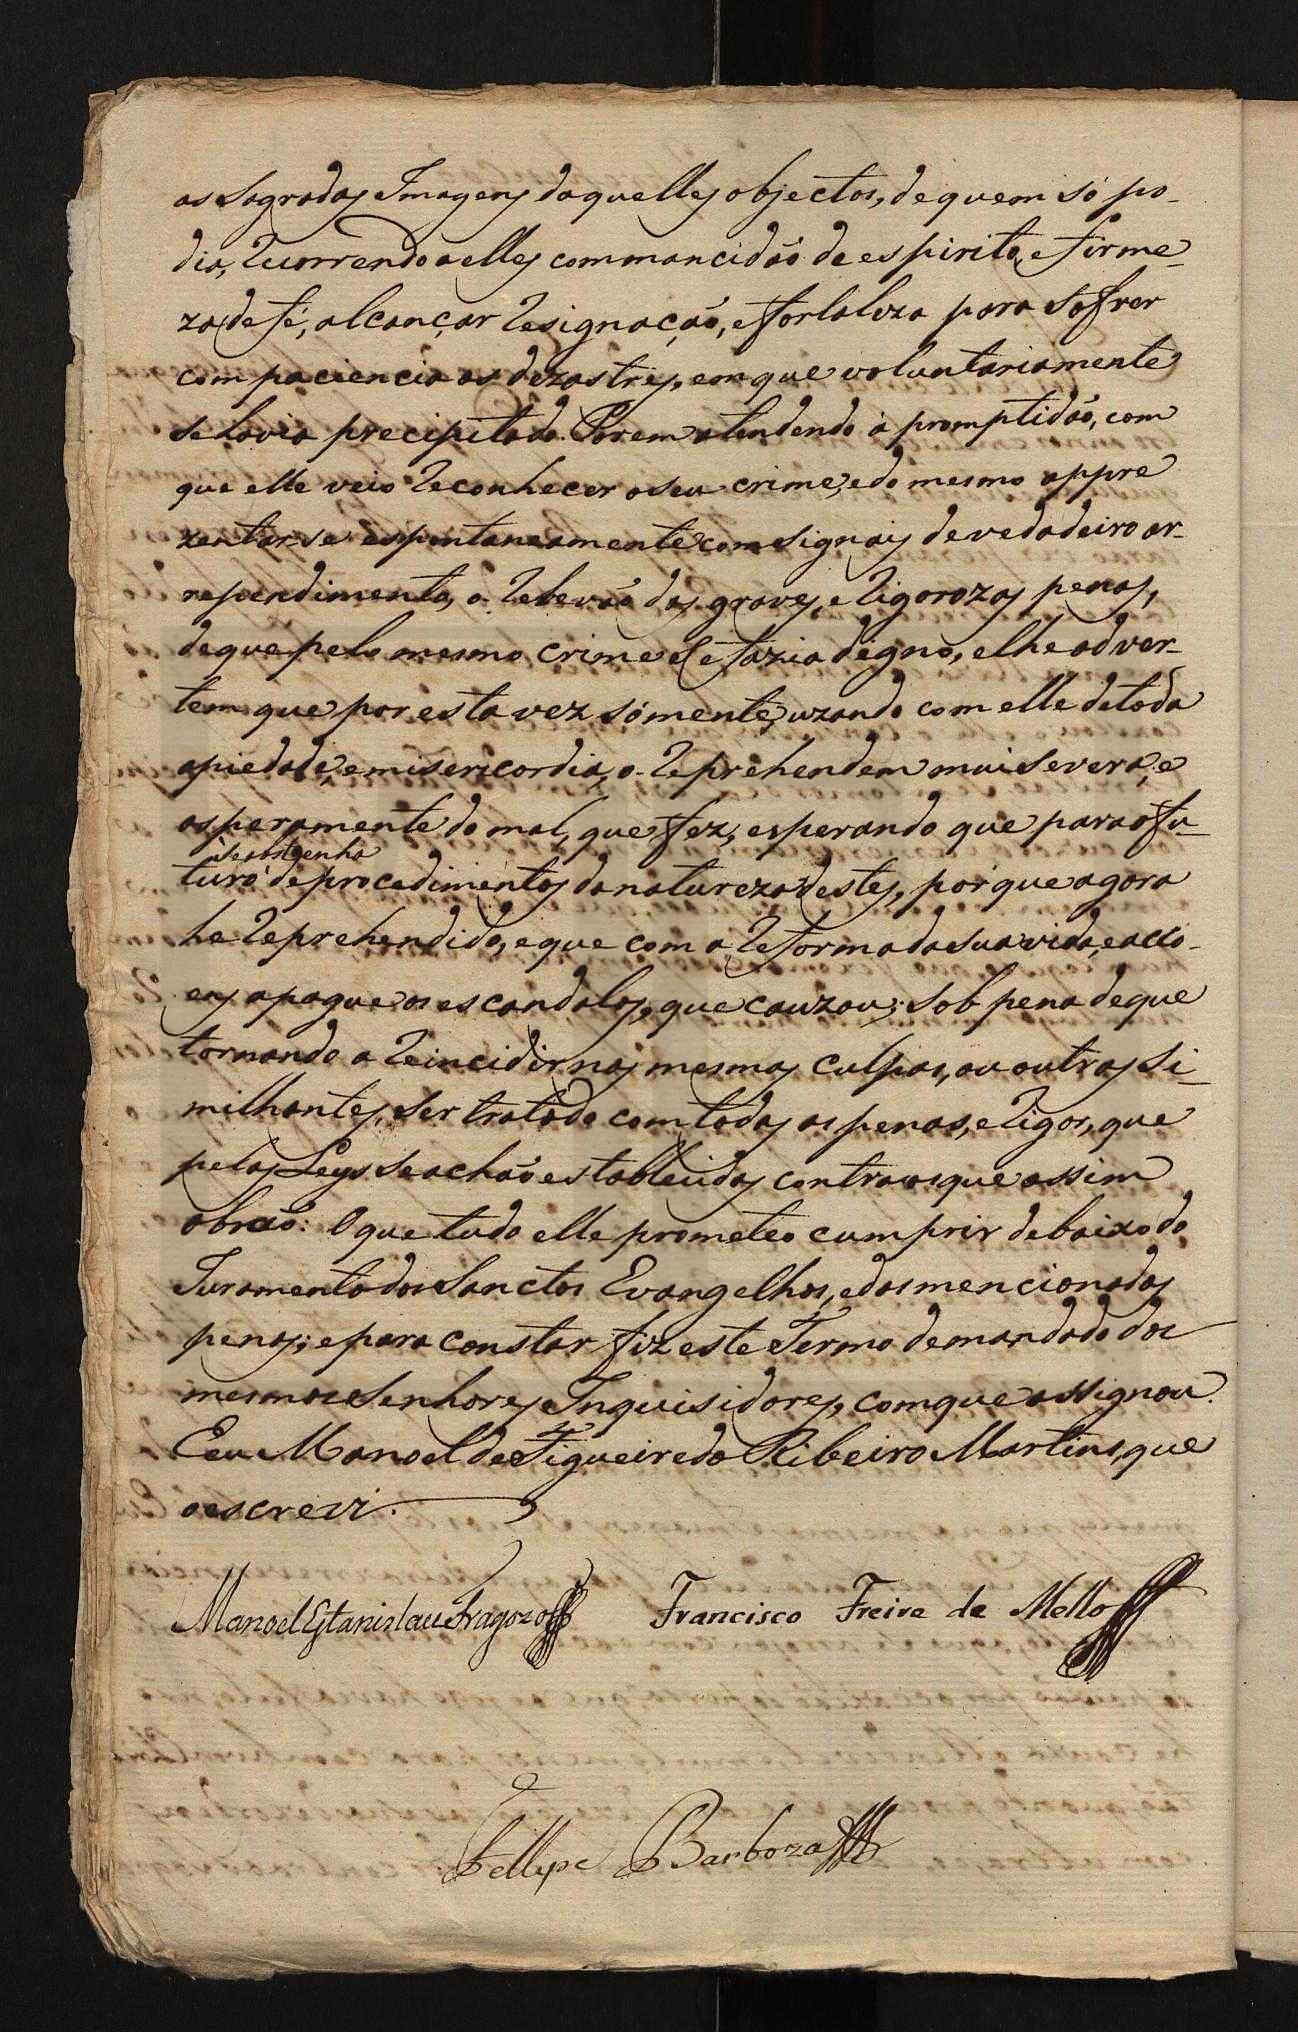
as Sagradas Imagens daquelles objectos, de que só po
dia, Recorrendo a elles com mancidaõ de espirito e firme
za de fé, alcançar Resignação, e fortaleza para sofrer
com paciencia os dezastres, em que voluntariamente
se havia precipitado. Porem atendendo á promptidaõ, com
que elle veio Reconhecer o seu crime, e do mesmo appre
zentar-se espontaneamente com signais de verdadeiro ar
rependimento, o Relevaõ das graves, e Rigorozas penas,
de que pelo mesmo crime se fazia digno, e lhe adver
tem que por esta vez sómente, uzando com elle de toda
a piedade, e misericordia, o Reprehendem o mai severa, e
asperamente do mal, que fez, esperando que para o fu
se abstenha
turo do procedimentos da natureza destes, porque agora
he Reprehendido, e que com a Reforma da sua vida, e acco
ens apague os escandalos, que cauzou, sob pena de que
tornando a Reincidir nas mesmas culpas, ou a outras si
milhantes, ser tratado com todas as penas, e Rigor, que
pelas Leys se achaõ establecidas contra os que assim
obraõ: O que tudo elle prometeo cumprir debaixo do
Iuramento dos Sactos Evangelhos, e das mencionadas
penas; e para constar fiz este Termo de mandado dos
mesmos Senhores Inquisidores, com que assignou.
E eu Manoel de Figueiredo Ribeiro Martins, que
o escrevi.
